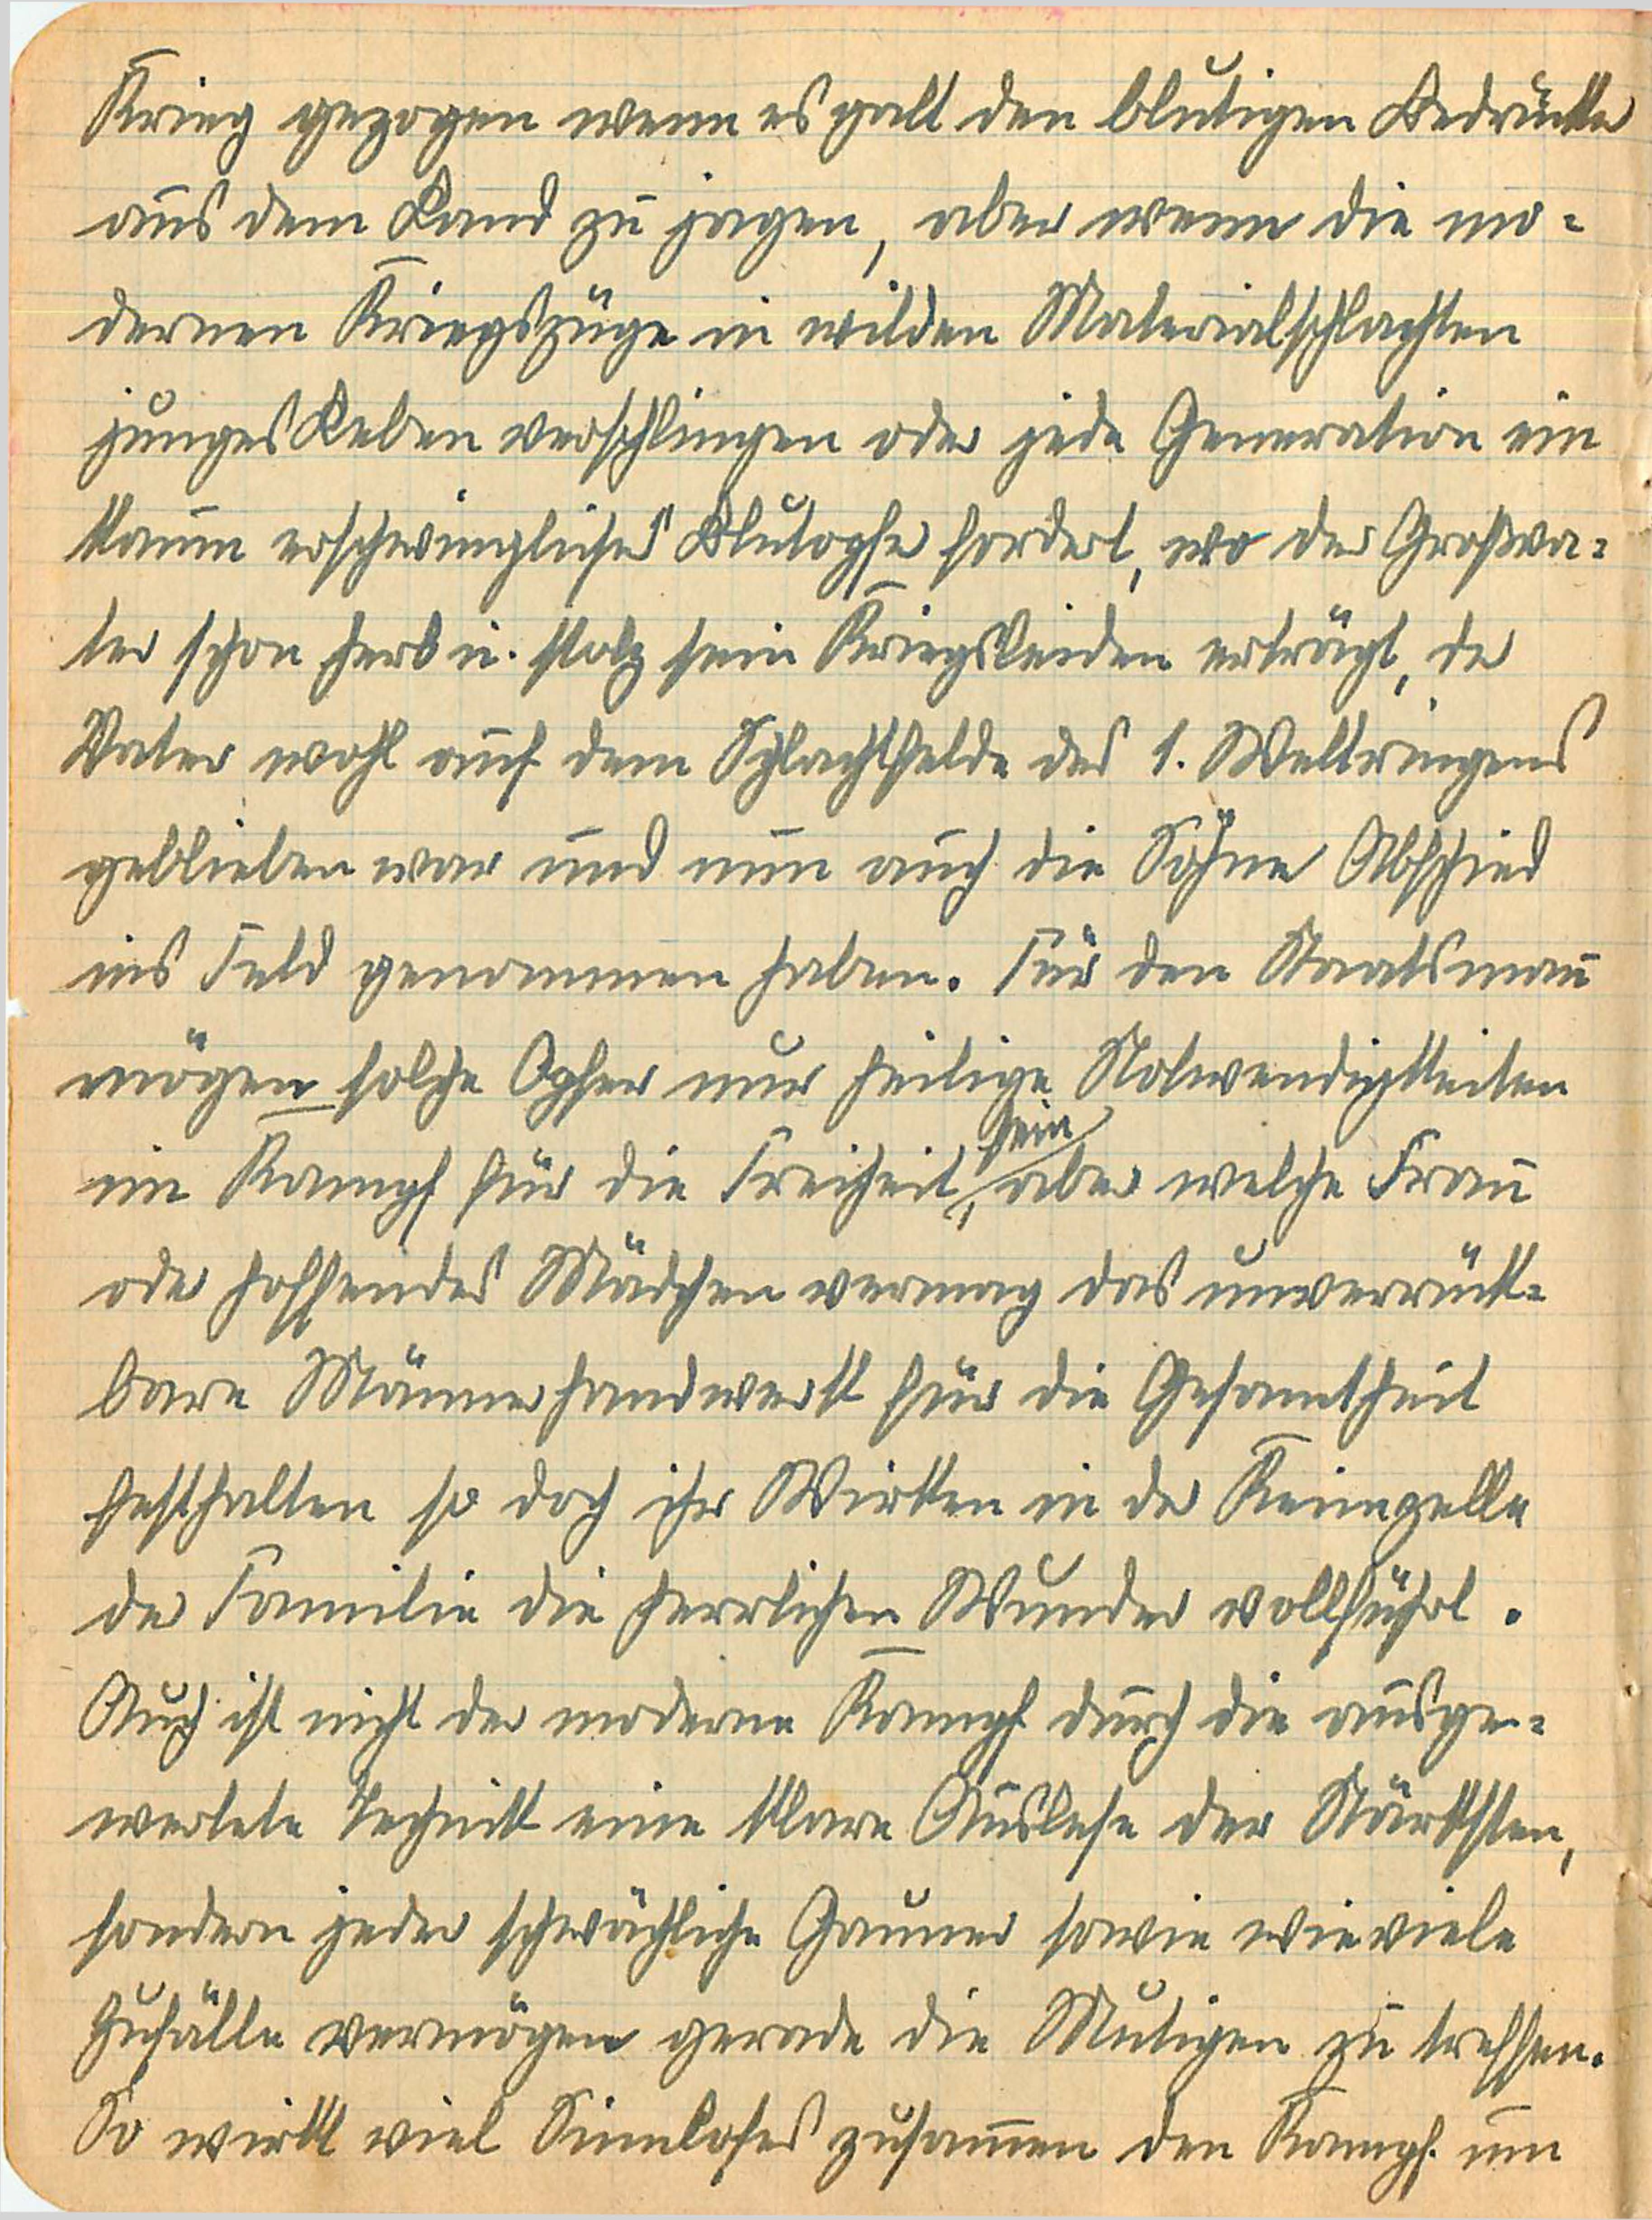Krieg gezogen wenn es galt den blutigen Bedrücker
aus dem Land zu jagen, aber wenn die mo-
dernen Kriegszüge in wilden Materialschlachten
junges Leben verschlingen oder jede Generation ein
kaum erschwingliche Blutopfer fordert, wo der Großva-
ter schon herb u. stolz sein Kriegsleiden erträgt, der
Vater wohl auf dem Schlachtfelde des 1. Weltringens
geblieben war und nun auch die Söhne Abschied
ins Feld genommen haben. Für den Staatsmann
mögen solche Opfer nur heilige Notwendigkeiten
sein
im Kampf für die Freiheit, aber welche Frau
oder hoffendes Mädchen vermag das unverrück-
bare Männerhandwerk für die Gesamtheit
festhalten so doch ihr Wirken in der Keimzelle
der Familie die herrlichen Wunder vollführt.
Auch ist nicht der moderne Kampf durch die ausge-
wertete Technik eine klare Auslese der Stärksten
sondern jeder schwächliche Gauner sowie wieviele
Zufälle vermögen gerade die Mutigen zu treffen.
So wirkt viel Sinnloses zusammen den Kampf um